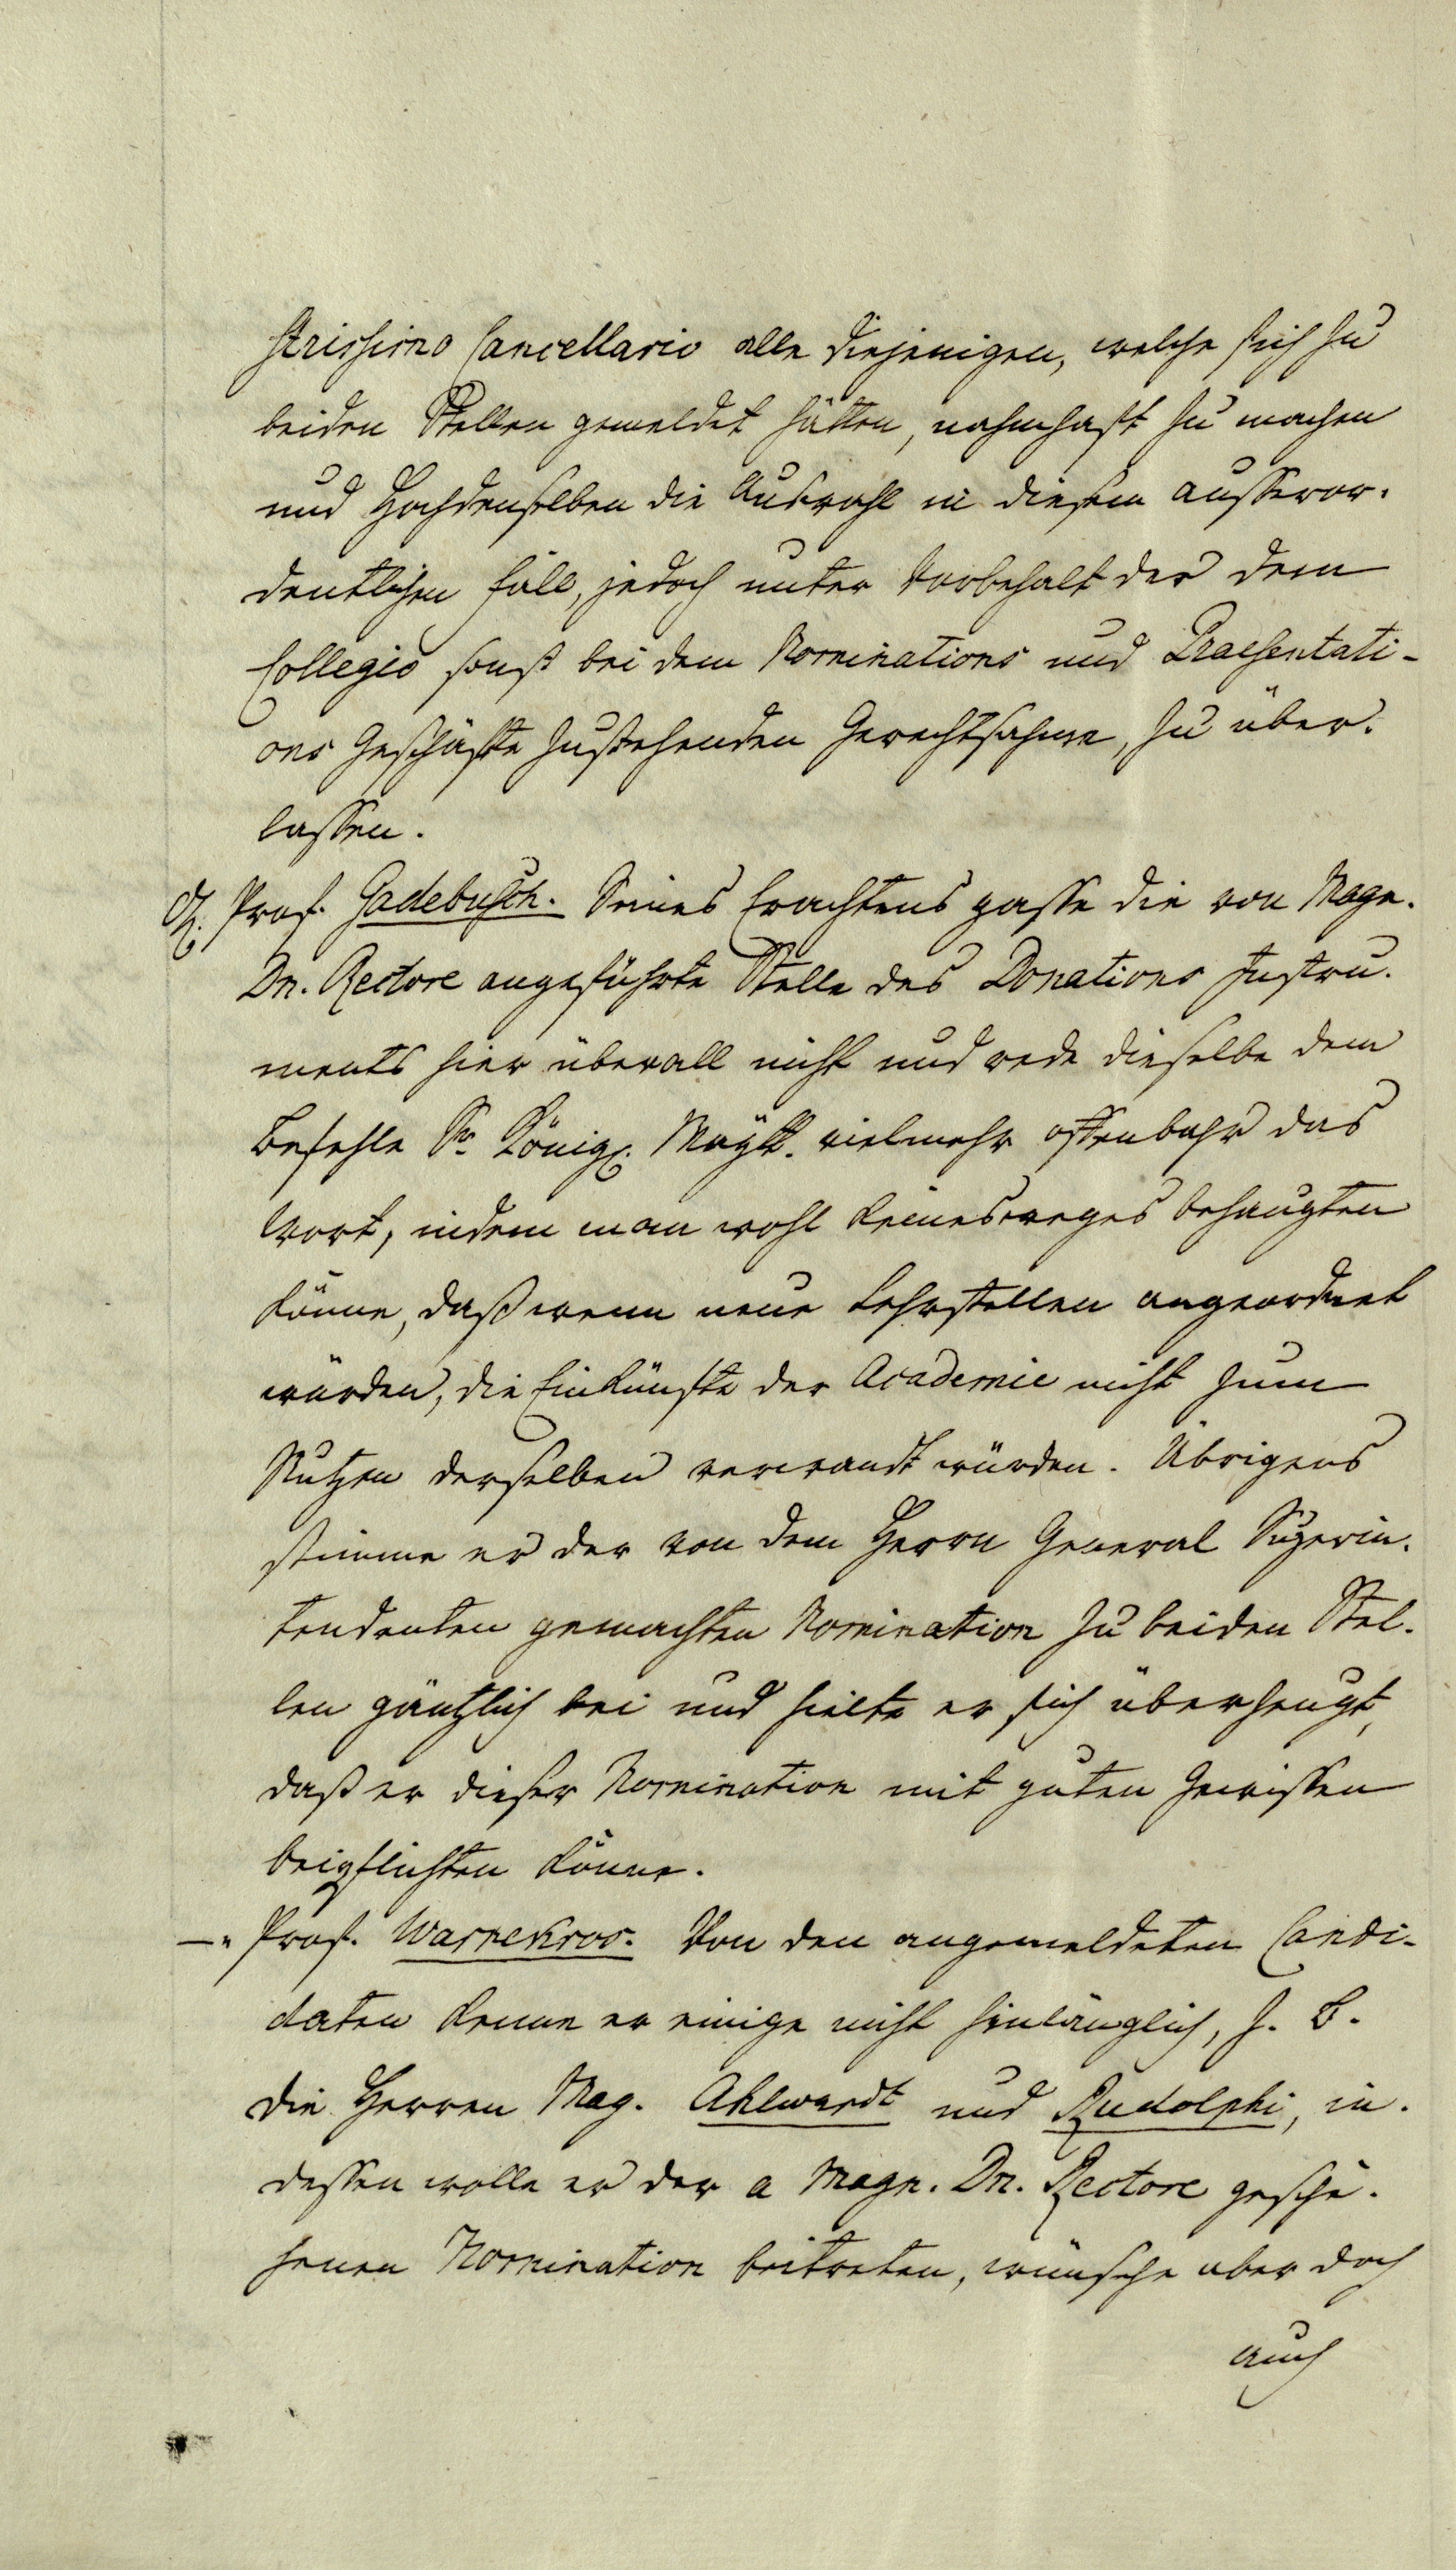strissimo Cancellario alle diejenigen, welche sich zu
beiden Stellen gemeldet hätten, nahmhaft zu machen
und Hochdenselben die Auswahl in diesem ausseror¬
dentlichen Fall, jedoch unter Vorbehalt des dem
Collegio sonst bei dem Nominations und Praesentati¬
ons Geschäfte zustehenden Gerechtsahme, zu über¬
lassen.
dh. Prof. Gadebusch. Seines Erachtens passe die von Magn.
Dn. Rectore angeführte Stelle des Donations Instru¬
ments hier überall nicht und rede dieselbe dem
Befehle Sr. Königl. Maÿst. vielmehr offenbahr das
Wort, indem man wohl keinesweges behaupten
könne, daß wenn nur Lehrstellen angeordnet
würden, die Einkünfte der Academie nicht zum
Nutzen derselben verwandt würden. Übrigens
stimme er der von dem Herrn General Superin¬
tendenten gemachten Nomination zu beiden Stel¬
len gäntzlich bei und hielte er sich überhaupt,
daß er dieser Nomination mit guten Gewissen
beipflichten könne.
— " Prof. Warneckros. Von den angemeldeten Candi¬
daten kenne er einige nicht hinlänglich, z.B.
die Herren Mag. Ahlwardt und Rudolphi, in¬
dessen wolle er der a Magn. Dn. Rectore gesche¬
henen Nomination beitreten, wünsche aber doch
auch